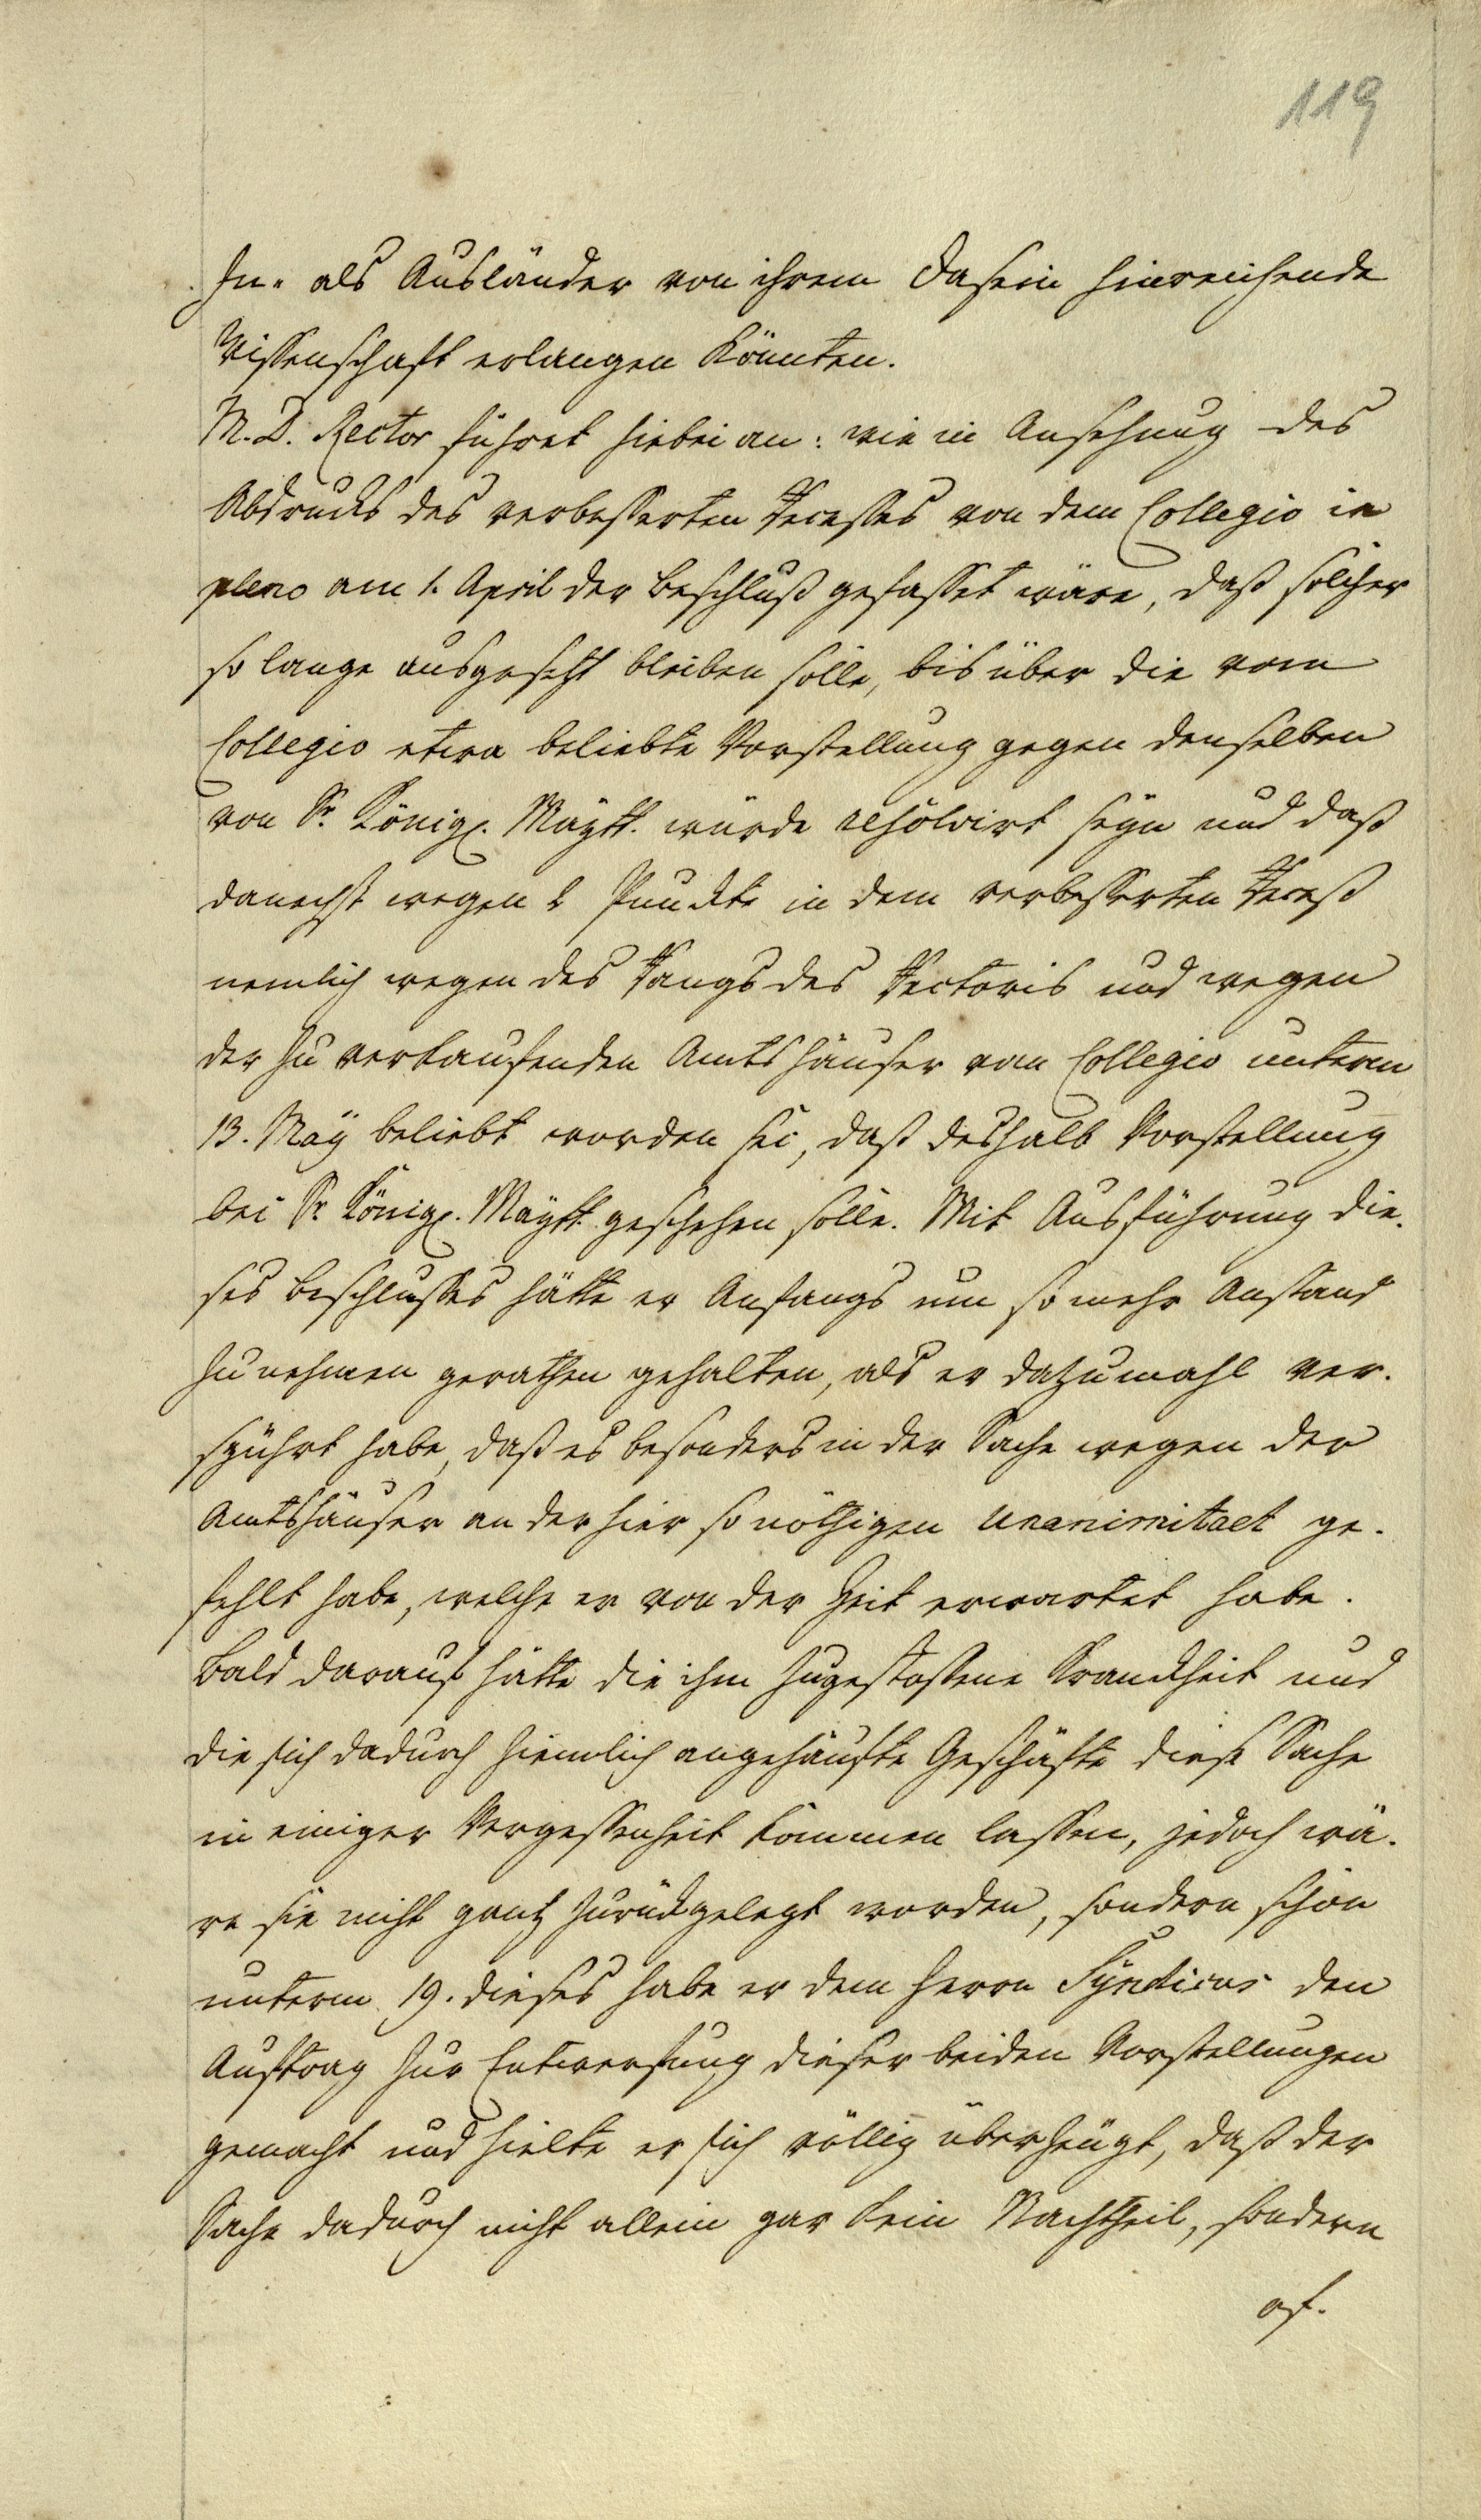In- als Ausländer von ihrem Dasein hinreichende
Wissenschaft erlangen könnten.
M. D. Rector führet hiebei an: wie in Ansehung des
Abdrucks des verbesserten Recesses von dem Collegio in
pleno am 1. April der Beschluß gefasset wäre, daß solcher
so lange ausgesetzt bleiben solle, bis über die vom
Collegio etwa beliebte Vorstellung gegen denselben
von Sr Königl. Maÿtt. würde resolvirt seÿn und daß
danechst wegen 2 Punkte in dem verbesserten Receß
nemlich wegen des Rangs des Rectoris und wegen
der zu verkaufenden Amts Häuser vom Collegio unterm
13. Maÿ beliebt worden sei, daß deshalb Vorstellung
bei Sr Königl. Maÿtt. geschehen solle. Mit Ausführung die¬
ses Beschlusses hätte er Anfangs um so mehr Anstand
zu nehmen gerathen gehalten, als er dazumahl ver¬
spührt habe daß es besonders in der Sache wegen der
Amtshäuser an der hier so nöthigen Unanimitaet ge¬
fehlt habe, welche er von der Zeit erwartet habe.
Bald darauf hätte die ihm zugestossene Kranckheit und
die sich dadurch ziemlich angehäufte Geschäfte diese Sache
in einiger Vergessenheit kommen lassen, jedoch wä¬
re sie nicht gantz zurückgelegt worden, sondern schon
unterm 19. dieses habe er dem Herrn Sÿndicus den
Auftrag zur Entwerfung dieser beiden Vorstellungen
gemacht und hielte er sich völlig überzeugt, daß der
Sache dadurch nicht allein gar kein Nachtheil, sondern
of